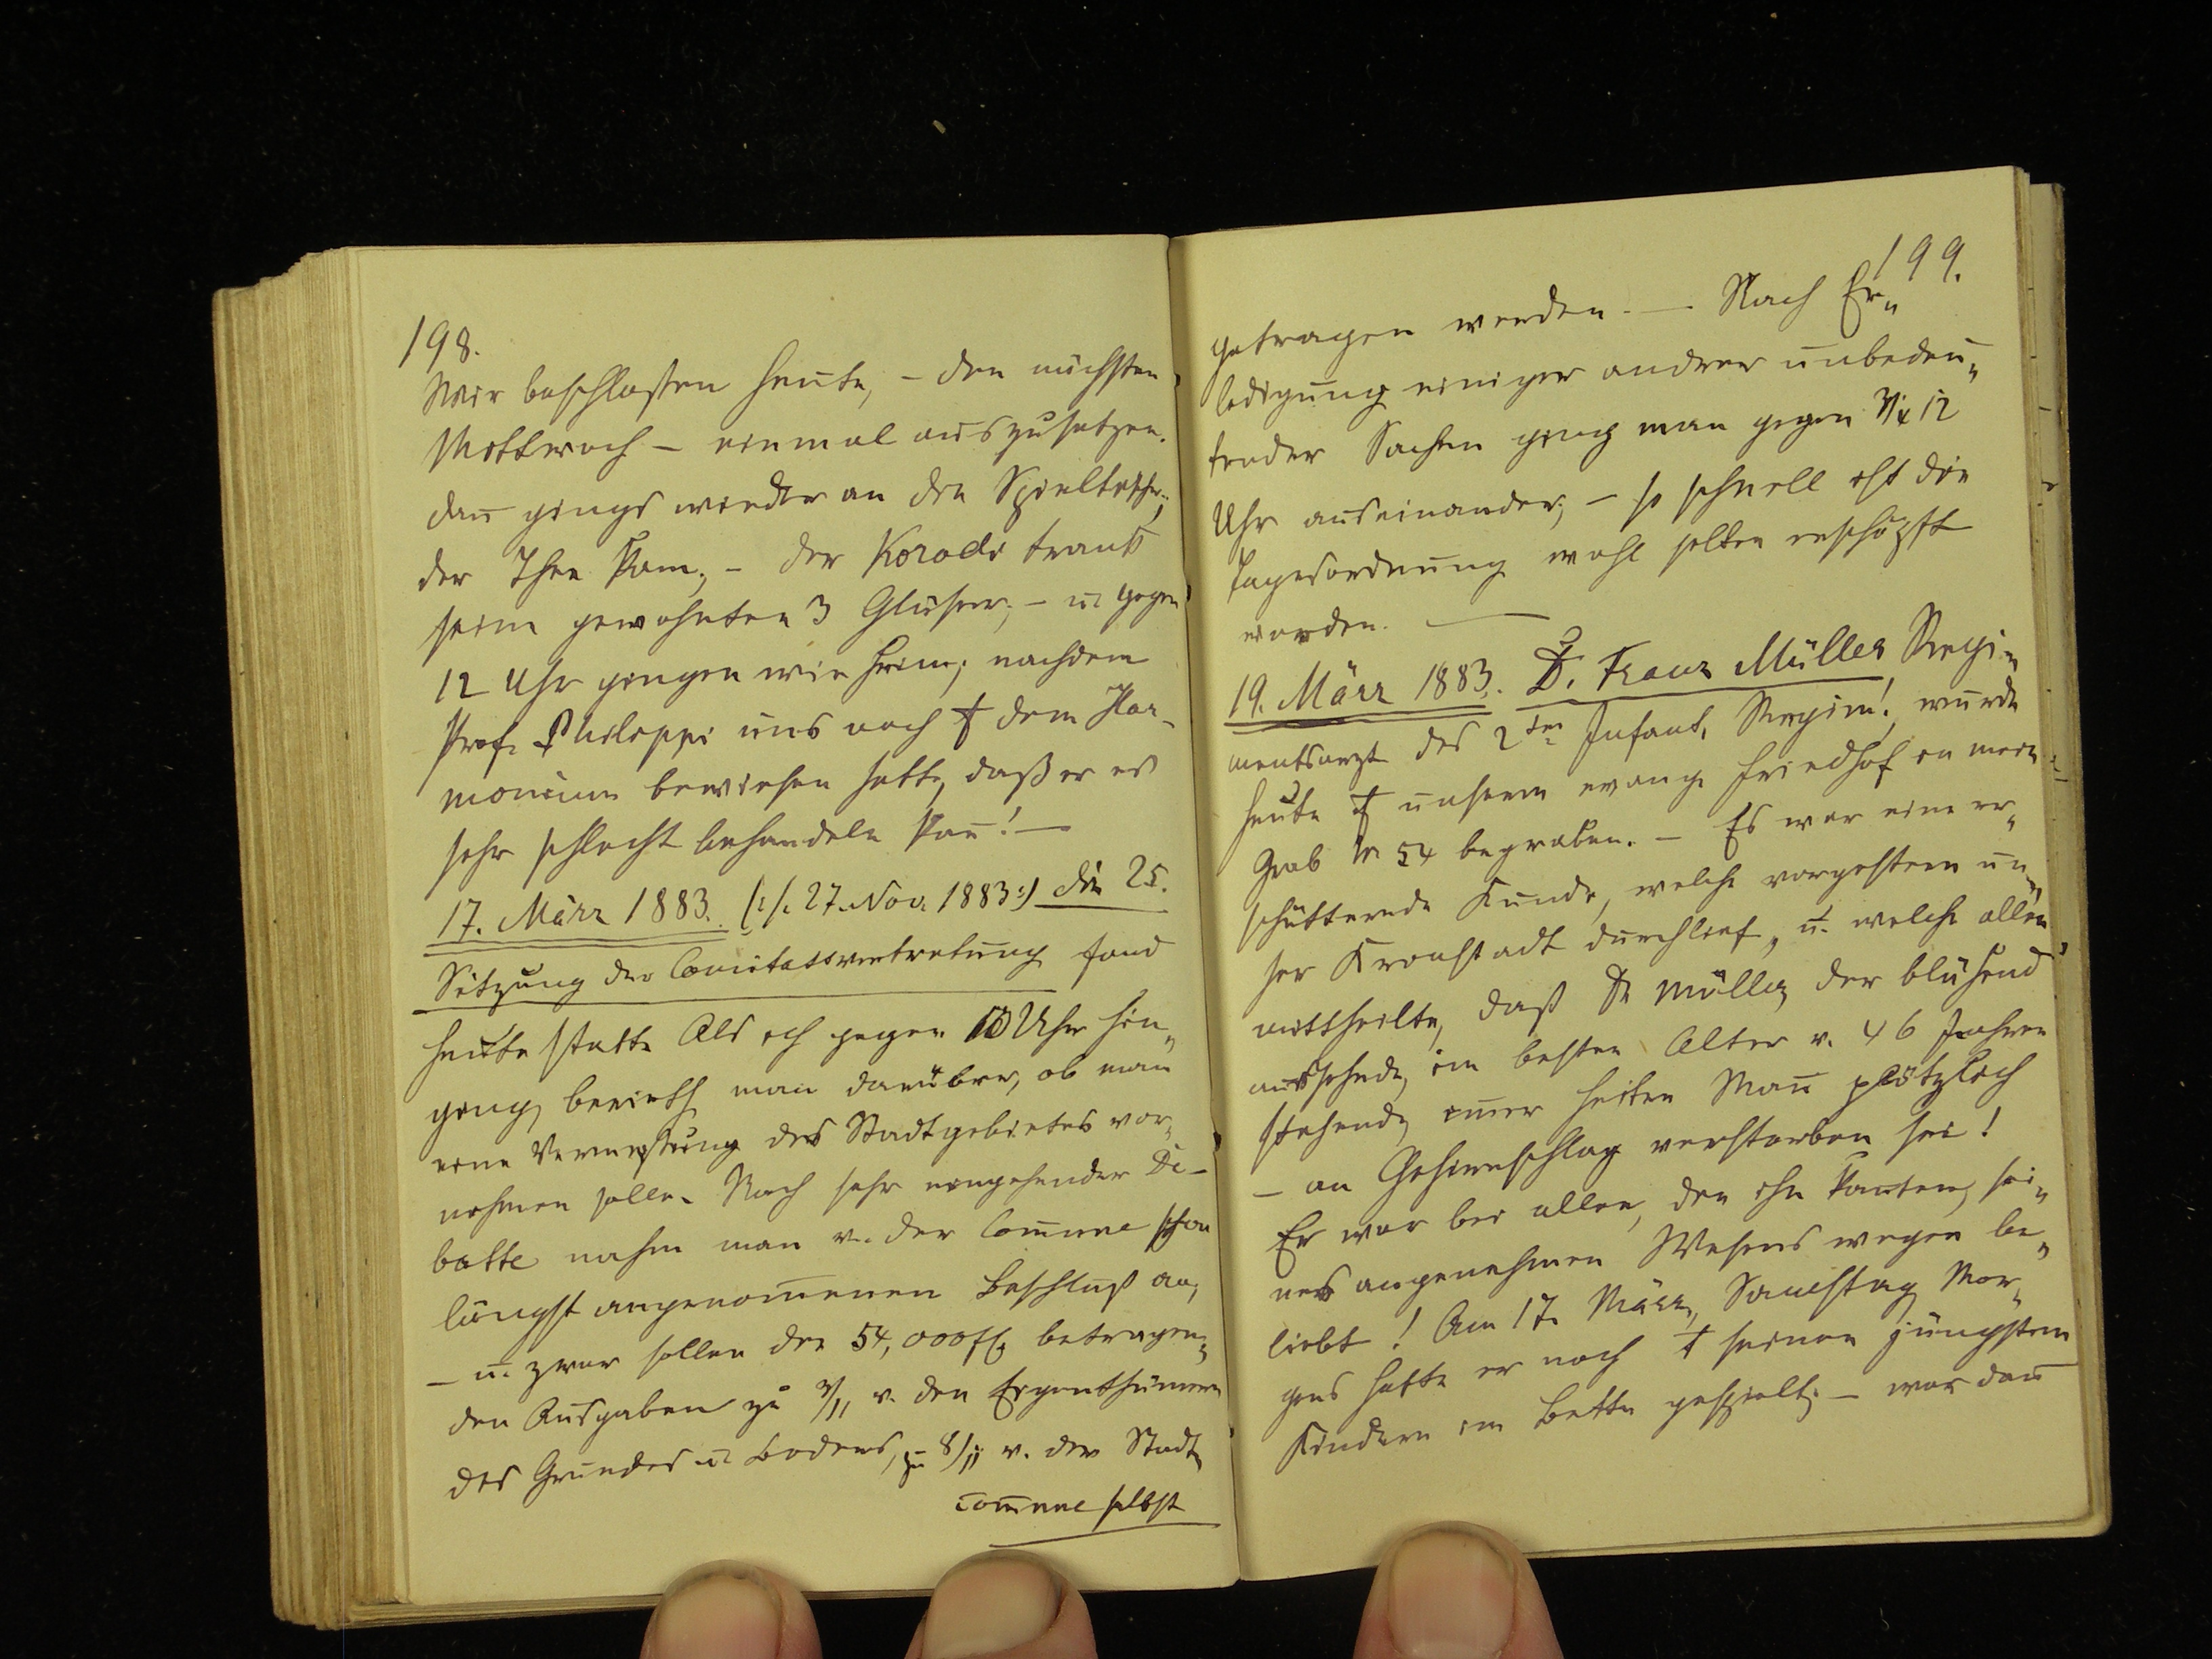198
Wir beschlossen –den nächsten
Mittwoch –einmal auszusetzten.
Dann gings wieder an den Spieltisch,
der Thee kam;- der Korodi trank
seine gewohnten 3 Gläser;- und gegen
12 Uhr gingen wir heim. Nachdem
Prof. Philippi uns noch mit dem Har¬
monium bewiesen hatte , daß er es
sehr schlecht behandeln kann ! -
17 März 1883 ( : 27 Nov.!883: ) die 25
Sitzung der Comitatasvertretung fand
heute statt. Als ich gegen 10 Uhr hin¬
ging, beriet man darüber, ob man
eine Vermessung des Stadtgebietes vor¬
nehmen solle. Nach sehr anregender De¬
batte nahm man wie von der Commune schon
längst angenommen Beschluß an
– und zwar sollen die 54,000 Fl betragen,
die Ausgaben zu 3/11 von den Eigenthümern
des Grundes und Bodens , zu 8/11 von der Stadt¬
commune selbst
199
getragen werden.- Nach Er¬
ledigung einiger anderer unbedeu¬
tender Sachen ging man gegen ¾ 12
Uhr auseinander, -so schnell ist die
Tagesordnung wohl selten erschöpft
worden.
19. März 1883. Dr. Franz Müller. Regi¬
mentsarzt des 2-ten Infanterieregiments wurde
heute in unserem evang.. Friedhof
begraben.- Es war eine er¬
schütternde Kunde, welche vorgestern un¬
ser Kronstadt durchlief, und welche allen
mittheilte daß Dr. Müller der blühend
aussehende in bestem Alter von 46 Jahren
stehende, immer heitere Mann plötzlich
– an Gehirnschlag verstorben sei.!
Er war bei allen, die ihn kannten sei¬
nes angenehmen Wesens wegen be¬
liebt.! Am 17. März Sonntags Mor¬
gen hatte er noch mit seinen jüngsten
Kindern im Bette gespielt.- war dann